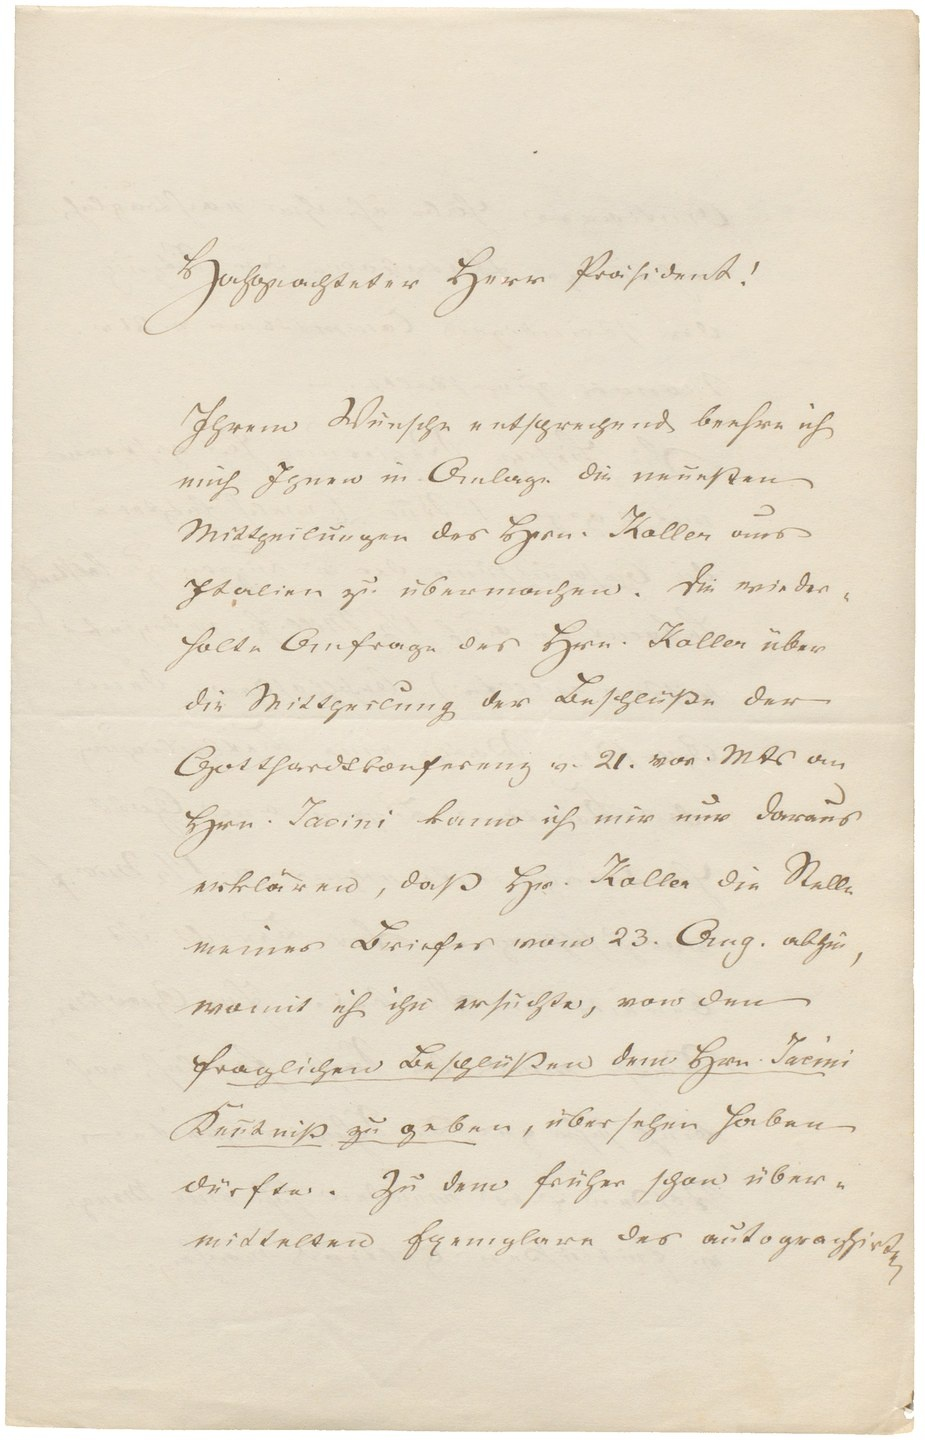Hochgeachteter Herr Präsident!
Ihrem Wunsche entsprechend beehre ich
mich Ihnen in Anlage die neuesten
Mittheilungen des Hrrn. Koller aus
Italien zu übermachen. Die wieder-
holte Anfrage des Hrn. Koller über
die Mittheilung des Beschlußes der
Gotthardtkonferenz v. 21.vor. Mts an
Hrrn. Jacini kann ich mir nur daraus
erklären, daß Hr. Koller die Stelle
meines Briefes vom 23. Aug. abhin,
womit ich ihn ersuchte, von den
fraglichen Beschlüßen den Hrn. Jacini
Kenntniß zu geben, übersehen haben
dürfte. Zu dem früher schon über-
mittelten Exemplaren des autographirten